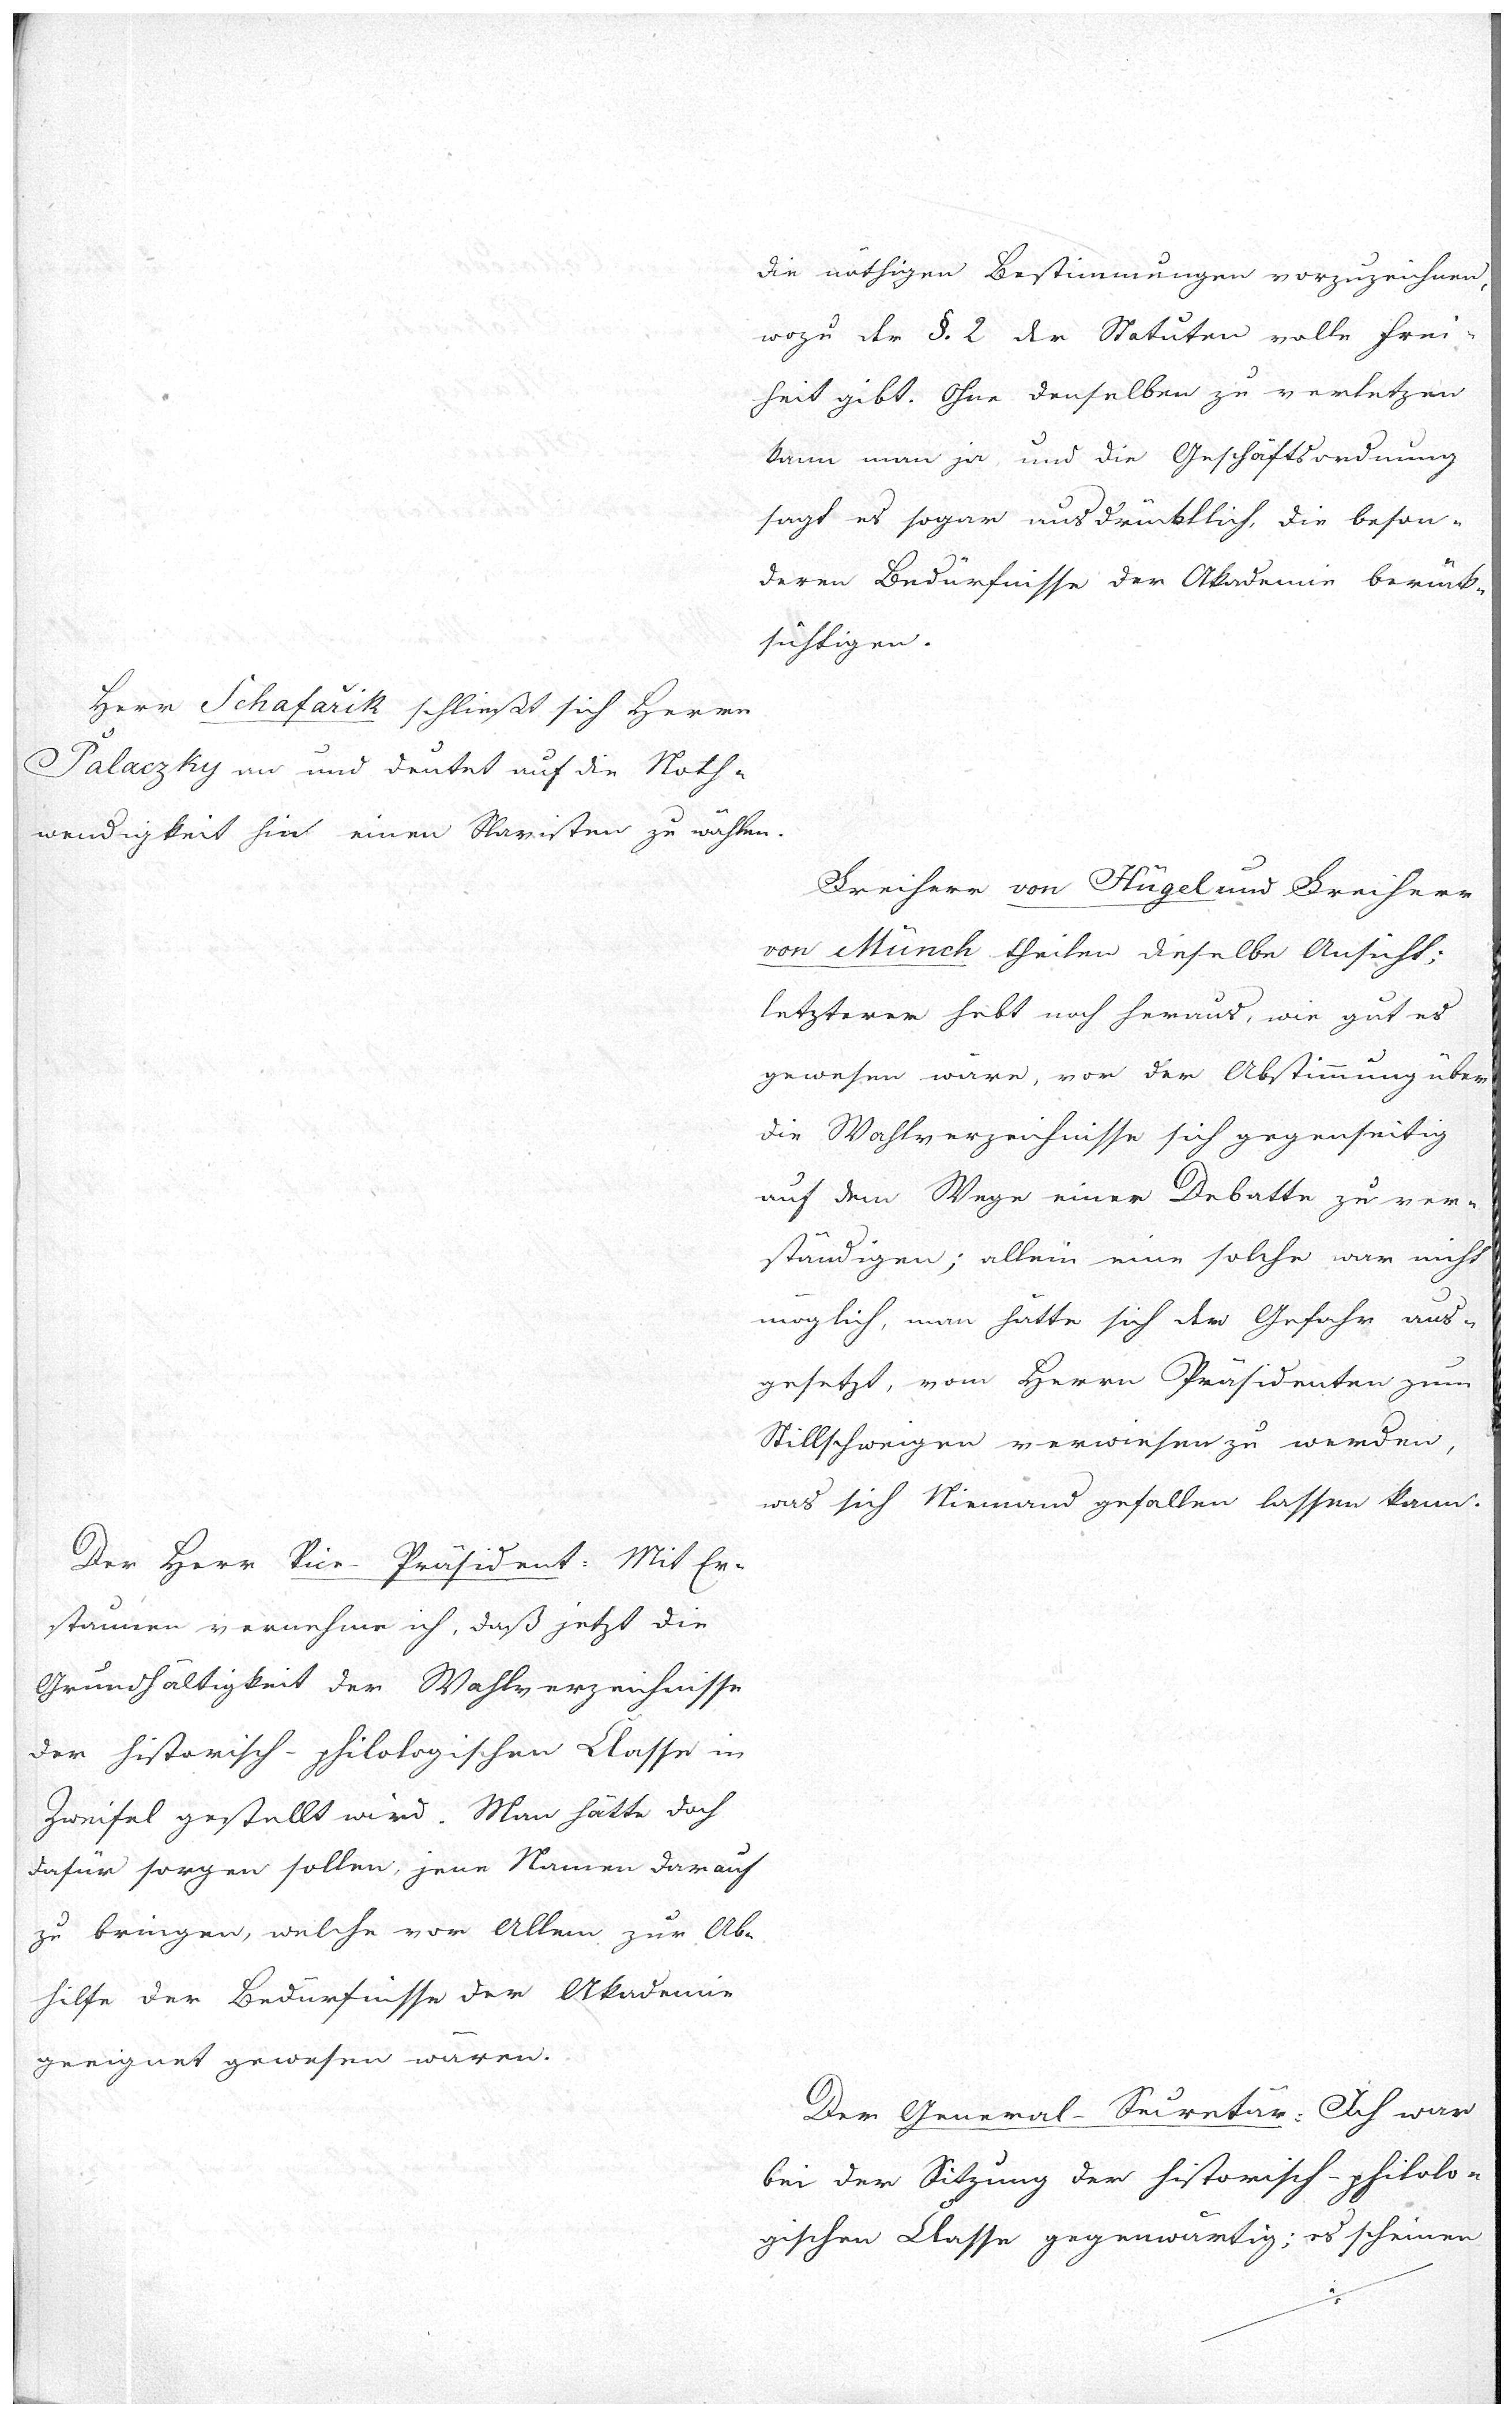die nöthigen Bestimmungen vorzuzeichnen,
wozu der §. 2. der Statuten volle Frei-
heit gibt. Ohne denselben zu verletzen
kann man ja und die Geschäftsordnung
sagt es sogar ausdrücklich, die beson-
deren Bedürfnisse der Akademie berück-
sichtigen.
Herrn Schafarik schließt sich Herrn
Palaczky an und deutet auf die Noth-
wendigkeit hin einen Slavisten zu wählen.
Freiherr von Hügel und Freiherr
von Münch theilen dieselbe Ansicht;
letzterer hebt noch heraus, wie gut es
gewesen wäre, vor der Abstimmung über
die Wahlverzeichnisse sich gegenseitig
auf dem Wege einer Debatte zu ver-
ständigen; allein eine solche war nicht
möglich, man hätte sich der Gefahr aus-
gesetzt, vom Herrn Präsidenten zum
Stillschweigen verwiesen zu werden,
was sich Niemand gefallen lassen kann.
Der Herr Vice-Präsident: Mit Er-
staunen vernehme ich, daß jetzt die
Grundhältigkeit der Wahlverzeichnisse
der historisch-philologischen Classe in
Zweifel gestellt wird. Man hätte doch
dafür sorgen sollen, jene Namen darauf
zu bringen, welche vor Allem zur Ab-
hilfe der Bedürfnisse der Akademie
geeignet gewesen wären.
Der General-Secretär: Ich war
bei der Sitzung der historisch-philolo-
gischen Classe gegenwärtig; es scheinen